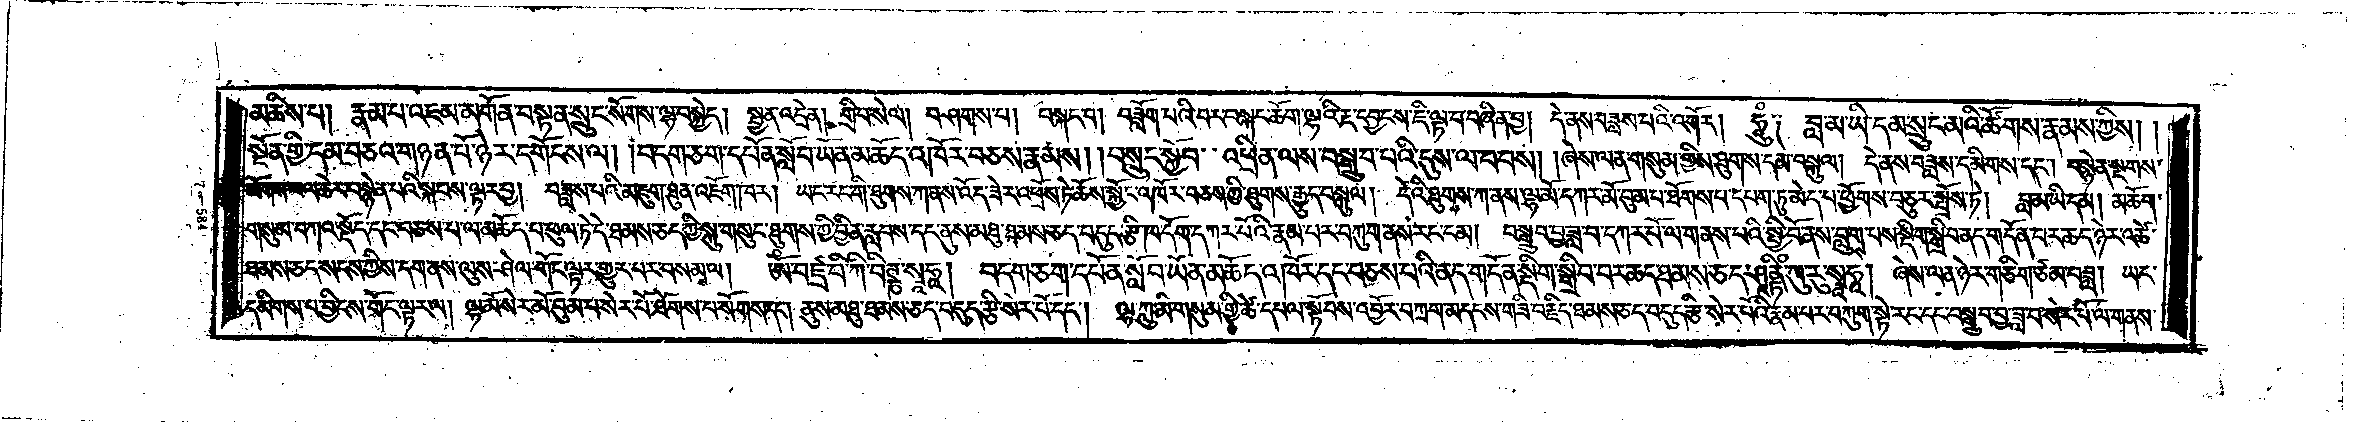མཆིས་པ། རྣམ་པ་འཇམ་མགོན་བསྟན་སྲུང་སོགས་ལྷ་བསྐྱེད། སྤྱན་འདྲེན། གྲིབ་སེལ། བཤགས་པ། བསྐང་བ། བཟློག་པའི་བར་བསྐང་ཆོག་ལྷའི་རྔ་དབྱངས་ཇི་ལྟ་བ་བཞིན་བྱ། དེ་ནས་བཟླས་པའི་འགོར། ཧཱུཾ༑ བླ་མ་ཡི་དམ་སྲུང་མའི་ཚོགས་རྣམས་ཀྱིས།།
སྔོན་གྱི་དམ་བཅའ་གཉན་པོ་ཉེར་དགོངས་ལ། །བདག་ཅག་དཔོན་སློབ་ཡོན་མཆོད་འཁོར་བཅས་རྣམས། །བསྲུང་སྐྱོབ་འཕྲིན་ལས་བསྒྲུབ་པའི་དུས་ལ་བབས། །ཞེས་ལན་གསུམ་གྱིས་ཐུགས་དམ་བསྐུལ། དེ་ནས་བཟླས་དམིགས་དང་། བསྙེན་སྔགས་
སོགས་ཕལ་ཆེར་བསྙེན་པའི་སྐབས་ལྟར་བྱ། བཟླས་པའི་མཇུག་ཐུན་འཇོག་ཁར། ཡང་རང་གི་ཐུགས་ཀ་ནས་འོད་ཟེར་འཕྲོས་ཏེ་ཆོས་སྐྱོང་འཁོར་བཅས་ཀྱི་ཐུགས་རྒྱུད་བསྐུལ། དེའི་ཐུགས་ཀ་ནས་ལྷ་མོ་དཀར་མོ་བུམ་པ་ཐོགས་པ་དཔག་ཏུ་མེད་པ་ཕྱོགས་བཅུར་སྤྲོས་ཏེ། བླ་མ་ཡི་དམ། མཆོག་
གསུམ་བཀའ་སྡོད་དང་བཅས་པ་ལ་མཆོད་པ་ཕུལ་ཏེ་དེ་ཐམས་ཅད་ཀྱི་སྐུ་གསུང་ཐུགས་ཀྱི་བྱིན་རླབས་དང་ནུས་མཐུ་ཐམས་ཅད་བདུད་རྩི་ཁ་དོག་དཀར་པོའི་རྣམ་པར་བཀུག་ནས་རང་ངམ། བསྒྲུབ་བྱ་ཟླ་བ་དཀར་པོ་ལ་གནས་པའི་སྤྱི་བོ་ནས་བླུགས་པས་སྡིག་སྒྲིབ་ནད་གདོན་པར་ཆད་ཉེར་འཚེ་
ཐམས་ཅད་སངས་རྒྱས་ཀྱིས་དག་ནས་ལུས་ཤེལ་གོང་ལྟར་གྱུར་བར་བསམས་ལ། ཨོཾ་བཛྲ་བི་ཀི་བིཊྞ་སྭཱཧཱ། བདག་ཅག་དབོན་སློབ་ཡོན་མཆོད་འཁོར་དང་བཅས་པའི་ནད་གདོན་སྡིག་སྒྲིབ་བར་ཆད་ཐམས་ཅད་ཤཱིནྟཾ་ཀུ་རུ་སྭཱཧཱ། ཞེས་ལན་ཉེར་གཅིག་ཙམ་བཟླ། ཡང་
དམིགས་བ་བྱིངས་གོང་ལྟར་ལ། ལྷ་མོ་སེར་མོ་བུམ་པོ་ཐོགས་པ་སོགས་དང་། ནུས་མཐུ་ཐམ་ཅད་བདུད་རྩི་སེར་པོ་དང་། ལྷ་ཀླུ་མི་གསུམ་གྱི་ཚེ་དཔལ་སྟོབས་འབྱོར་བཀྲག་མདངས་གཟི་བརྗིད་ཐམས་ཅད་བདུད་རྩི་སེར་པོའི་རྣམ་པར་བཀུག་སྟེ་རང་དང་བསྒྲུབ་བྱ་ཟླ་བ་སེར་པོ་ལ་གནས་